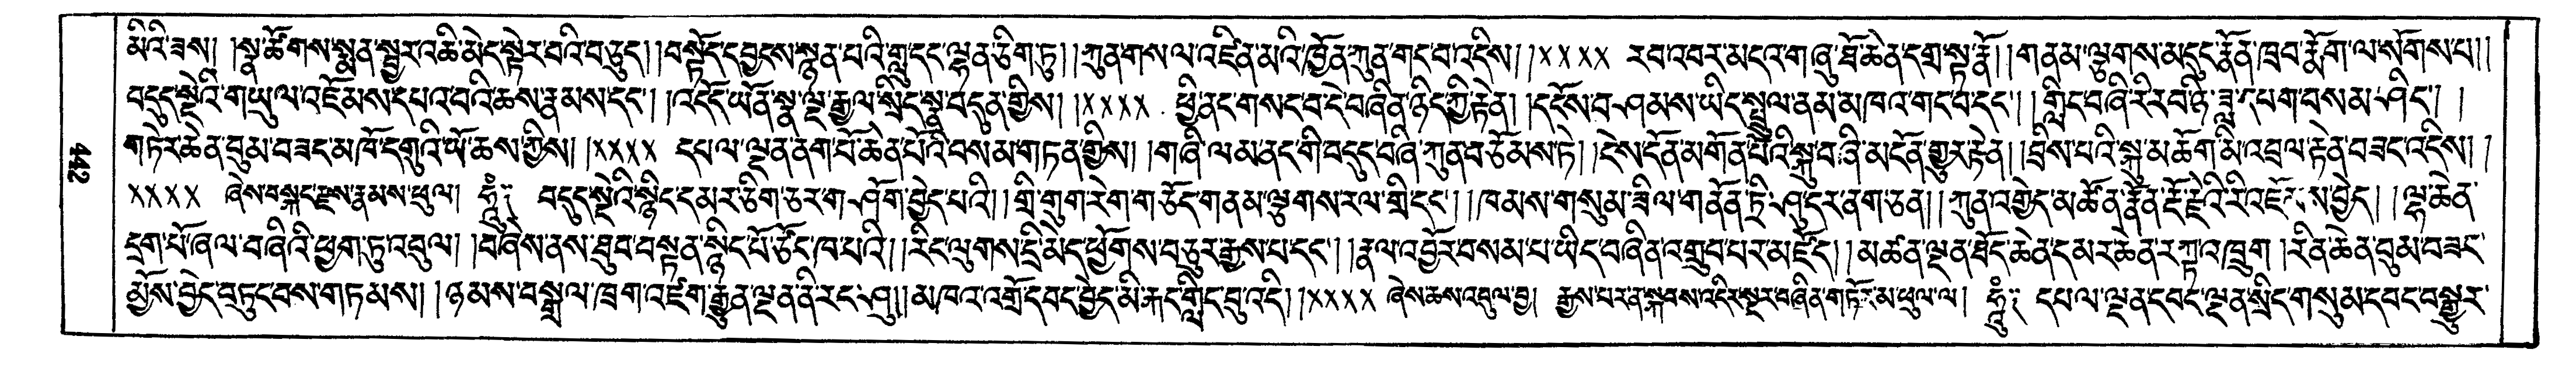མིའི་ཟས། །སྣ་ཚོགས་སྨན་སྦྱར་འཆི་མེད་སྟེར་བའི་བཅུད། །བསྟོད་དབྱངས་སྙན་པའི་གླུ་དང་ལྷན་ཅིག་ཏུ། །ཀུན་གསལ་འཛིན་མའི་ཁྱོན་ཀུན་གང་བ་འདིས། །རབ་འབར་མངའ་གཞུ་ཐོ་ཆེན་དགྲ་སྟ་རྣོ། །གནམ་ལྕགས་མདུང་རྣོན་ཁྲབ་རྨོག་ལ་སོགས་བ།།
བདུད་སྡེའི་གཡུལ་འཇོམས་དཔའ་བའི་ཆས་རྣམས་དང་། །འདོད་ཡོན་སྣ་ལྔ་རྒྱལ་སྲིད་སྣ་བདུན་གྱིས། །ཕྱི་ནང་གསང་བ་དེ་བཞིན་ཉིད་ཀྱི་རྟེན། །དངོས་བཤམས་ཡིད་སྤྲུལ་ནམ་མཁའ་གང་བ་དང་། །གླིང་བཞི་རི་རབ་ཉི་ཟླ་དཔག་བསམ་ཤིང་། །
གཏེར་ཆེན་བུམ་བཟང་མཁོ་དགུའི་ཡོ་ཆས་ཀྱིས། །དཔལ་ལྡན་ནག་པོ་ཆེན་པོའི་བསམ་གཏན་གྱིས། །གཞི་ལམ་ནང་གི་བདུད་བཞི་ཀུན་བཅོམས་ཏེ། །ངེས་དོན་མགོན་པོའི་སྐུ་བཞི་མངོན་གྱུར་རྟེན། །བྲིས་པའི་སྐུ་མཆོག་མི་འབྲལ་རྟེན་བཟང་འདིས།།
ཞེས་བསྐང་རྫས་རྣམས་ཕུལ། ཧཱུཾ༑ བདུད་སྡེའི་སྙིང་དམར་ཅིག་ཅར་གཤོག་བྱེད་པའི། །གྲི་གུག་རེག་གཅོད་གནམ་ལྕགས་རལ་གྲི་དང་། །ཁམས་གསུམ་ཟིལ་གནོན་ཏྲི་ཤུ་དར་ནག་ཅན། །ཀུན་འགྱེད་མཚོན་རྣོན་རྡོ་རྗེའི་རི་འཇོམས་བྱེད། །ལྷ་ཆེན་
དྲག་པོ་ཞལ་བཞིའི་ཕྱག་ཏུ་འབུལ། །བཞེས་ནས་ཐུབ་བསྟན་སྙིང་བོ་ཙོང་ཁ་པའི། །རིང་ལུགས་དྲི་མེད་ཕྱོགས་བཅུར་རྒྱས་པ་དང་། །རྣལ་འབྱོར་བསམ་པ་ཡིད་བཞིན་འགྲུབ་པར་མཛོད། །མཚན་ལྡན་ཐོད་ཆེན་དམར་ཆེན་རཀཏ་འཁྲུག །རིན་ཆེན་བུམ་བཟང་
མྱོས་བྱེད་བཏུང་བས་གཏམས། །ཉམས་བསྒྲལ་ཁྲག་འཛག་རྒྱུན་ལྡན་ནི་རང་ཤུ། །མཁའ་འགྲོ་དབང་བྱེད་མི་རྐང་གླིང་བུ་འདི། །ཞེས་ཆས་འབུལ་བྱ། རྒྱས་པར་ན་སྐབས་འདིར་སྔར་བཞིན་གཏོར་མ་ཕུལ་ལ། ཧཱུཾ༑ དཔལ་ལྡན་དབང་ལྡན་སྲིད་གསུམ་དབང་བསྒྱུར་